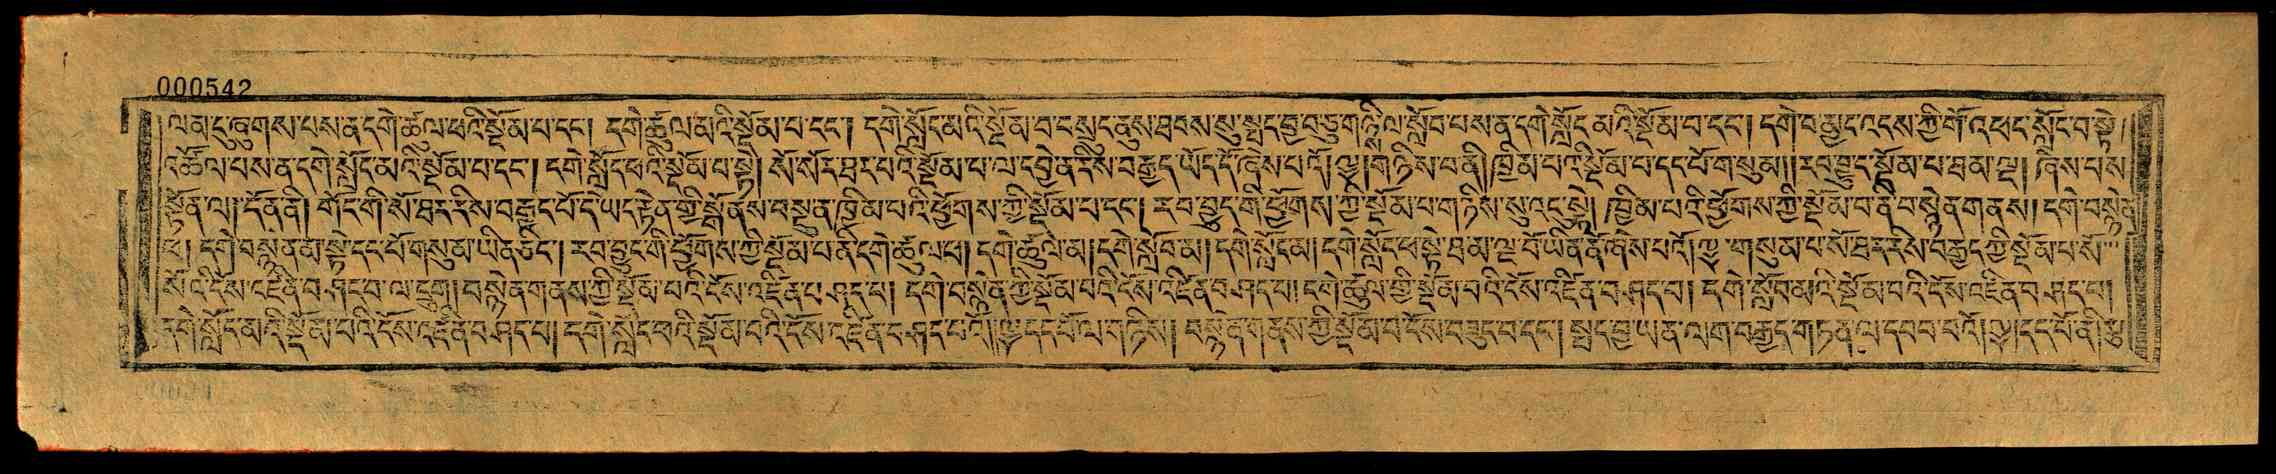ལམ་དུ་ཞུགས་པས་ན་དགེ་ཚུལ་ཕའི་སྡོམ་པ་དང་། དགེ་ཚུལ་མའི་སྡོམ་པ་དང་། དགེ་སློང་མའི་སྡོམ་པ་བསྲུང་ནུས་ཐབས་སུ་སྤང་བྱ་བཅུ་གཉིས་ལ་སློབ་པས་ན་དགེ་སློང་མའི་སྡོམ་པ་དང་། དགེ་བ་མྱང་འདས་ཀྱི་གོ་འཕང་སློང་བ་སྟེ་
འཚོལ་བས་ན་དགེ་སློང་མའི་སྡོམ་པ་དང་། དགེ་སློང་ཕའི་སྡོམ་པ་སྟེ། སོ་སོར་ཐར་པའི་སྡོམ་པ་ལ་དབྱེ་ན་རིས་བརྒྱད་ཡོད་དོ་ཞེས་པའོ། ༈ །གཉིས་པ་ནི། ཁྱིམ་པའི་སྡོམ་པ་དང་པོ་གསུམ། །རབ་བྱུང་སྡོམ་པ་ཐ་མ་ལྔ། ཞེས་པས་
སྟོན་ལ། དོན་ནི། གོང་གི་སོ་ཐར་རིས་བརྒྱད་པོ་དེ་ཡང་རྟེན་གྱི་སྒོ་ནས་བསྡུ་ན་ཁྱིམ་པའི་ཕྱོགས་ཀྱི་སྡོམ་པ་དང་། རབ་བྱུང་གི་ཕྱོགས་ཀྱི་སྡོམ་པ་གཉིས་སུ་འདུ་སྟེ། ཁྱིམ་པའི་ཕྱོགས་ཀྱི་སྡོམ་པ་ནི་བསྙེན་གནས། དགེ་བསྙེན་
ཕ། དགེ་བསྙེན་མ་སྟེ་དང་པོ་གསུམ་ཡིན་ཅིང་། རབ་བྱུང་གི་ཕྱོགས་ཀྱི་སྡོམ་པ་ནི་དགེ་ཚུལ་ཕ། དགེ་ཚུལ་མ། དགེ་སློབ་མ། དགེ་སློང་མ། དགེ་སློང་ཕ་སྟེ་ཐ་མ་ལྔ་པོ་ཡིན་ནོ་ཞེས་པའོ། ༈ །གསུམ་པ་སོ་ཐར་རིས་བརྒྱད་ཀྱི་སྡོམ་པ་སོ་
སོའི་ངོས་འཛིན་བཤད་པ་ལ་དྲུག །བསྙེན་གནས་ཀྱི་སྡོམ་པའི་ངོས་འཛིན་བཤད་པ། དགེ་བསྙེན་ཀྱི་སྡོམ་པའི་ངོས་འཛིན་བཤད་པ། དགེ་ཚུལ་གྱི་སྡོམ་པའི་ངོས་འཛིན་བཤད་པ། དགེ་སློབ་མའི་སྡོམ་པའི་ངོས་འཛིན་བཤད་པ།
དགེ་སློང་མའི་སྡོམ་པའི་ངོས་འཛིན་བཤད་པ། དགེ་སློང་ཕའི་སྡོམ་པའི་ངོས་འཛིན་བཤད་པའོ།། ༈ དང་པོ་ལ་གཉིས། བསྙེན་གནས་ཀྱི་སྡོམ་པ་ངོས་བཟུང་བ་དང་། སྤང་བྱ་ཡན་ལག་བརྒྱད་གཏན་ལ་དབབ་པའོ། ༈ །དང་པོ་ནི། རྩ་